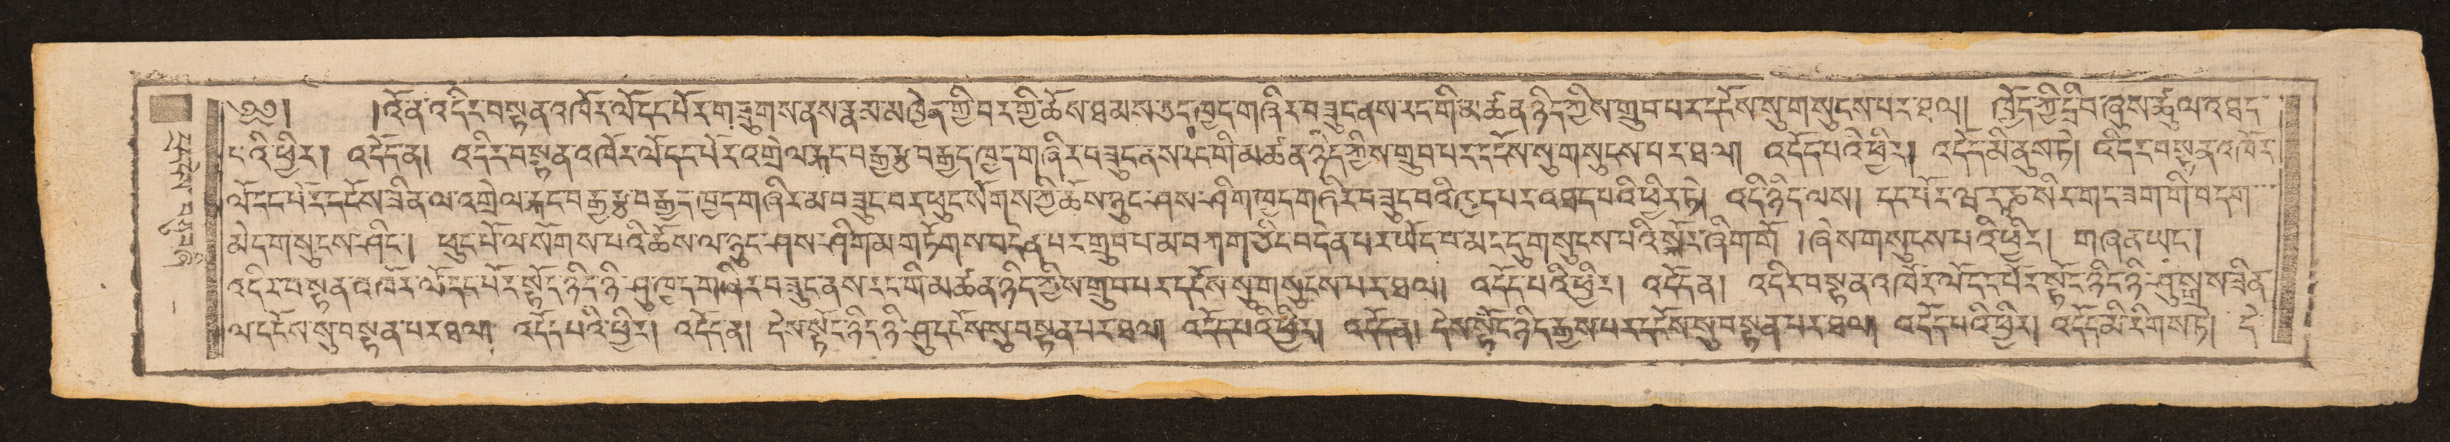༄༅། །འོ་ན་འདིར་བསྟན་འཁོར་ལོ་དང་པོར་གཟུགས་ནས་རྣམ་མཁྱེན་གྱི་བར་གྱི་ཆོས་ཐམས་ཅད་ཁྱད་གཞིར་བཟུང་ནས་རང་གི་མཚན་ཉིད་ཀྱིས་གྲུབ་པར་དངོས་སུ་གསུངས་པར་ཐལ། ཁྱོད་ཀྱི་དྲི་བ་ཞུས་ཚུལ་འཐད་
པའི་ཕྱིར། འདོད་ན། འདིར་བསྟན་འཁོར་ལོ་དང་པོར་འགྲེལ་རྐང་བརྒྱ་རྩ་བརྒྱད་ཁྱད་གཞིར་བཟུང་ནས་རང་གི་མཚན་ཉིད་ཀྱིས་གྲུབ་པར་དངོས་སུ་གསུངས་པར་ཐལ། འདོད་པའི་ཕྱིར། འདོད་མི་ནུས་ཏེ། འདིར་བསྟན་འཁོར་
ལོ་དང་པོར་དངོས་ཟིན་ལ་འགྲེལ་རྐང་བརྒྱ་རྩ་བརྒྱད་ཁྱད་གཞིར་མ་བཟུང་བར་ཕུང་སོགས་ཀྱི་ཆོས་ཉུང་ཤེས་ཤིག་ཁྱད་གཞིར་བཟུང་བའི་ཁྱད་པར་འཐད་པའི་ཕྱིར་ཏེ། འདི་ཉིད་ལས། དང་པོར་ཝ་ར་ཎ་སིར་གང་ཟག་གི་བདག་
མེད་གསུངས་ཤིང་། ཕུང་པོ་ལ་སོགས་པའི་ཆོས་ལ་ཉུང་ཤེས་ཤིག་མ་གཏོགས་བདེན་པར་གྲུབ་པ་མ་བཀག་ཅིང་བདེན་པར་ཡོད་པ་མང་དུ་གསུངས་པའི་སྐོར་ཞིག་གོ །ཞེས་གསུངས་པའི་ཕྱིར། གཞན་ཡང་།
འདིར་བསྟན་འཁོར་ལོ་དང་པོར་སྟོང་ཉིད་ཉི་ཤུ་ཁྱད་གཞིར་བཟུང་ནས་རང་གི་མཚན་ཉིད་ཀྱིས་གྲུབ་པར་དངོས་སུ་གསུངས་པར་ཐལ། འདོད་པའི་ཕྱིར། འདོད་ན། འདིར་བསྟན་འཁོར་ལོ་དང་པོར་སྟོང་ཉིད་ཉི་ཤུ་སྒྲས་ཟིན་
ལ་དངོས་སུ་བསྟན་པར་ཐལ། འདོད་པའི་ཕྱིར། འདོད་ན། དེས་སྟོང་ཉིད་ཉི་ཤུ་དངོས་སུ་བསྟན་པར་ཐལ། འདོད་པའི་ཕྱིར། འདོད་ན། དེས་སྟོང་ཉིད་རྒྱས་པར་དངོས་སུ་བསྟན་པར་ཐལ། འདོད་པའི་ཕྱིར། འདོད་མི་རིགས་ཏེ། དེ་